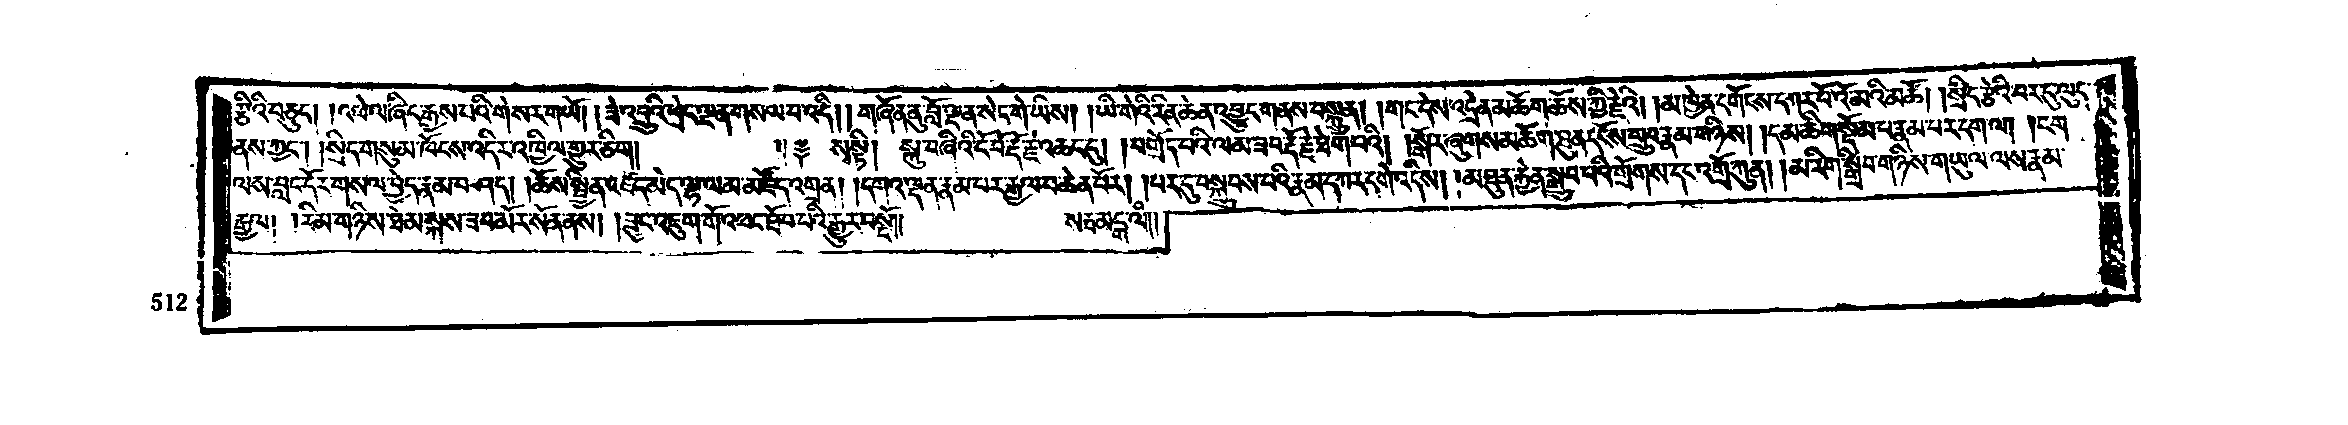རྩིའི་བཅུད། །འཕེལ་ཞིང་རྒྱས་པའི་གེ་སར་གཡོ། །ཟེ་འབྲུའི་ཕྲེང་ལྡན་གསལ་བ་འདི། །གཞོན་ནུ་བློ་ལྡན་སེང་གེ་ཡིས། །ཡི་གེའི་རིན་ཆེན་འབྱུང་གནས་བསྐྲུན། །གང་དེས་འདྲེན་མཆོག་ཆོས་ཀྱི་རྗེའི། །མཁྱེན་དགོངས་དཀར་པོ་འོ་མའི་མཚོ། །སྲིད་རྩེའི་བར་དུ་ལུད་
ནས་ཀྱང་། །སྲིད་གསུམ་ཁོངས་འདིར་འཁྱིལ་གྱུར་ཅིག། །། ༈ སྭ་སྟི། སྐུ་བཞིའི་ངོ་བོ་རྡོ་རྗེ་འཆང་དུ། །བགྲོད་པའི་ལམ་ཟབ་རྡོ་རྗེ་ཐེག་པའི། །སྒོར་ཞུགས་མཆོག་ཐུན་དངོས་གྲུབ་རྣམ་གཉིས། །དམ་ཚིག་སྡོམ་པ་རྣམ་པར་དག་ལ། །ངག་
ལས་བླང་དོར་གསལ་བྱེད་རྣམ་བཤད། །ཆོས་སྦྱིན་འཛད་མེད་ལྷ་ལམ་མཛོད་འགྲན། །དགའ་ལྡན་རྣམ་པར་རྒྱལ་བ་ཆེན་པོར། །པར་དུ་བསྐྲུབས་པའི་རྣམ་དཀར་དགེ་འདིས། །མཐུན་རྐྱེན་སྒྲུབ་པའི་གྲོགས་དང་འགྲོ་ཀུན། །མ་རིག་སྒྲིབ་གཉིས་གཡུལ་ལས་རྣམ་
རྒྱལ། །རིམ་གཉིས་ཐེམ་སྐས་ཟབ་མོར་སོན་ནས། །ཟུང་འཇུག་གོ་འཕང་ཐོབ་པའི་རྒྱུར་བསྔོ།། སརྦ་མངྒ་ལཾ།།